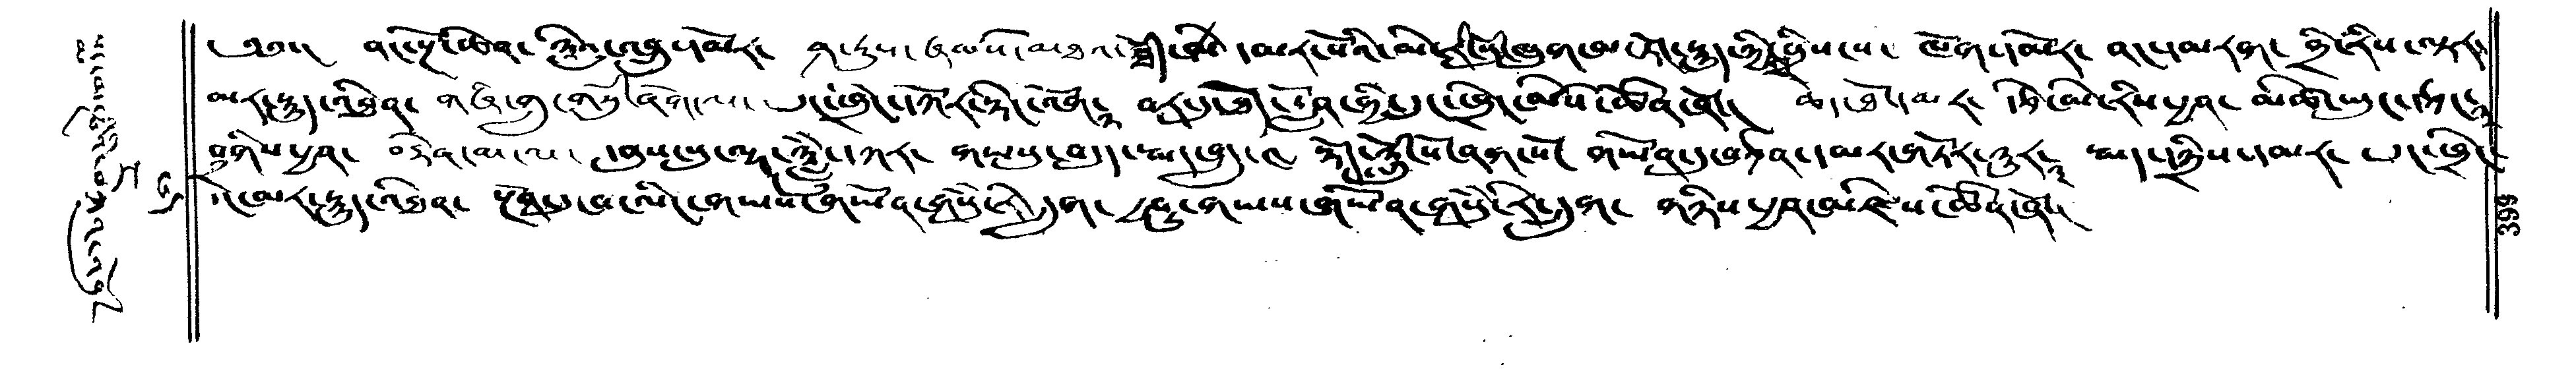ནང་སྔོ་ཆེན། ཟེའུ་འབྲུ་དམར་པོ། ཤ་རུས་ཞལ་ཟས་མཐའ་ཐམས་ཅད་དམར་པོའི་མེ་རི་སུམ་ཁུག་མ་ཏོང་སྐུད་ཀྱི་བྲིས་པ། ཁོག་དམར་པོ། ནང་དམར་ནག གྲི་རིས་ལྟར་
མར་སྐུད་འཐེན། གཞི་གྲུ་གསུམ་ནག་པོ་ལ། དུང་ཕྲེང་དཀར་པོ་སྟེང་འོག་གཉིས། བར་དུ་ཐོད་རློན་གྱི་དུང་ཕྲེང་མཛེས་ཚོན་ནོ། །ཆད་ཐོ་དམར། རྩེ་མེ་རིས་རྒྱན། མཚེ་ཡུང་རྩང་གསུམ་
ཤ་ཁྲག་གིས་རྒྱན། བརྟན་མ་ལ། དབུས་སུ་ལྷ་ཟླུམ་དཀར། གཡས་སུ་བདུད་སྨད་གྲུ་བཞི་སྟོད་ཟླུམ་པོ་ནག་པོ། གཡོན་དུ་བཙན་དམར་གཏོར་ཟུར་གསུམ། སྨད་དཀྲིས་དམར། དུང་ཕྲེང་
དང་མར་སྐུད་འཐེན། སྔོན་དུ་བ་ལིང་གཡས་གཡོན་གསུམ་རེ་དྲུག རྒྱབ་ཏུ་གཡས་གཡོན་གསུམ་རེ་དྲུག གཉིས་རྒྱན་མཛེས་ཚོན་ནོ།། །།